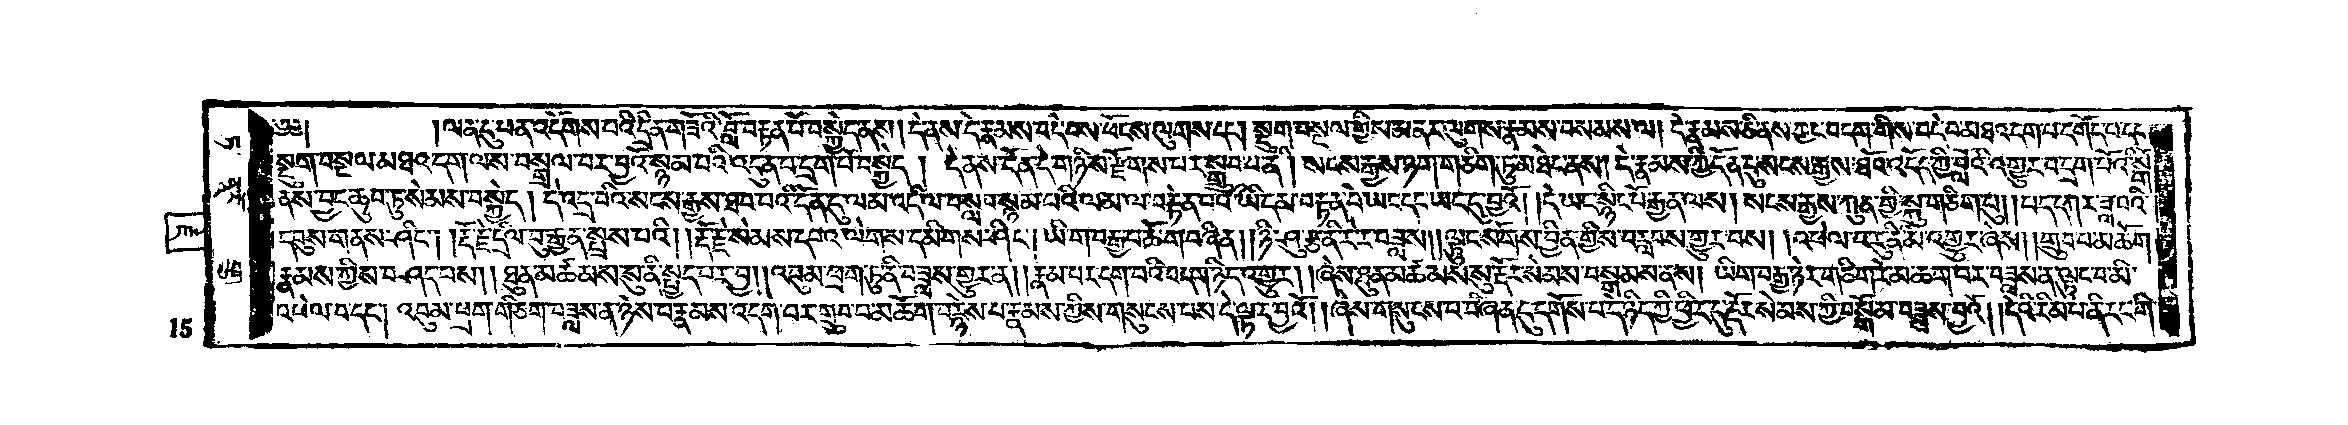༄༅། །ལན་དུ་ཕན་འདོགས་པའི་དྲིན་གཟོའི་བློ་བརྟན་པོ་བསྐྱེད་ནས། དེ་ནས་དེ་རྣམས་བདེ་བས་ཕོངས་ལུགས་དང་། སྡུག་བསྔལ་གྱིས་མནར་ལུགས་རྣམས་བསམས་ལ། དེ་རྣམས་ཅི་ནས་ཀྱང་བདག་གིས་བདེ་བ་མཐའ་དག་པ་དགོད་པ་དང་།
སྡུག་བསྔལ་མཐའ་དག་ལས་བསྒྲལ་བར་བྱའོ་སྙམ་པའི་འདུན་པ་དྲག་པོ་བསྐྱེད། དེ་ནས་དོན་དེ་གཉིས་རྫོགས་པར་སྒྲུབ་པ་ནི། སངས་རྒྱས་ཉག་གཅིག་ཏུ་མཐེང་ནས། དེ་རྣམས་ཀྱི་དོན་དུ་སངས་རྒྱས་ཐོབ་འདོད་ཀྱི་བློའི་འགྱུར་བ་དྲག་པོའི་སྒོ་
ནས་བྱང་ཆུབ་ཏུ་སེམས་བསྐྱེད། དེ་འདྲ་བའི་སངས་རྒྱས་ཐབ་པའི་དོན་དུ་ལམ་འདི་ལ་བསླབ་སྙམ་པའི་ལམ་ལ་བརྟེན་པའི་ཡི་དམ་བརྟན་པོ་ཡང་དང་ཡང་དུ་བྱའོ། །དེ་ཡང་སྙིང་པོ་རྒྱན་ལས། སངས་རྒྱས་ཀུན་གྱི་སྐུ་གཅིག་པུ། །པད་དཀར་ཟླ་བའི་
དབུས་གནས་ཤིང་། །རྡོ་རྗེ་དྲིལ་བུ་རྒྱན་སྤྲས་པའི། །རྡོ་རྗེ་སེམས་དཔའ་ལེགས་དམིགས་ཤིང་། ཡི་ག་བརྒྱ་པ་ཆོ་ག་བཞིན། །ཉི་ཤུ་རྩ་ནི་རེ་ར་བཟླས། །ལྟུང་སོགས་བྱིན་གྱིས་བརླབས་གྱུར་པས། །འཕེལ་བ་རུ་ནི་མི་འགྱུར་ཞེས། །གྲུབ་པ་མཆོག་
རྣམས་ཀྱིས་བཤད་པས། །ཐུན་མཚམས་སུ་ནི་སྤྱད་པར་བྱ། །འབུམ་ཕྲག་ཏུ་ནི་བཟླས་གྱུར་ན། །རྣམ་པར་དག་པའི་བདག་ཉིད་འགྱུར། །ཞེས་ཐུན་མཚམས་སུ་རྡོར་སེམས་བསྒོམས་ནས། ཡིག་བརྒྱ་ཉེར་གཅིག་རེ་མ་ཆག་པར་བཟླས་ན་ལྟུང་བ་མི་
འཕེལ་བ་དང་། འབུམ་ཕྲག་གཅིག་བཟླས་ན་ཉེས་པ་རྣམས་འདག་པར་གྲུབ་པ་མཆོག་བརྙེས་པ་རྣམས་ཀྱིས་གསུངས་པས་དེ་ལྟར་བྱའོ། །ཞེས་གསུངས་པ་བཞིན་དུ་དགོས་པ་དེ་ཉིད་ཀྱི་ཕྱིར་དུ་རྡར་སེམས་ཀྱི་བསྒོམ་བཟླས་བྱའོ། །དེའི་རིམ་པ་ནི་རང་གི་